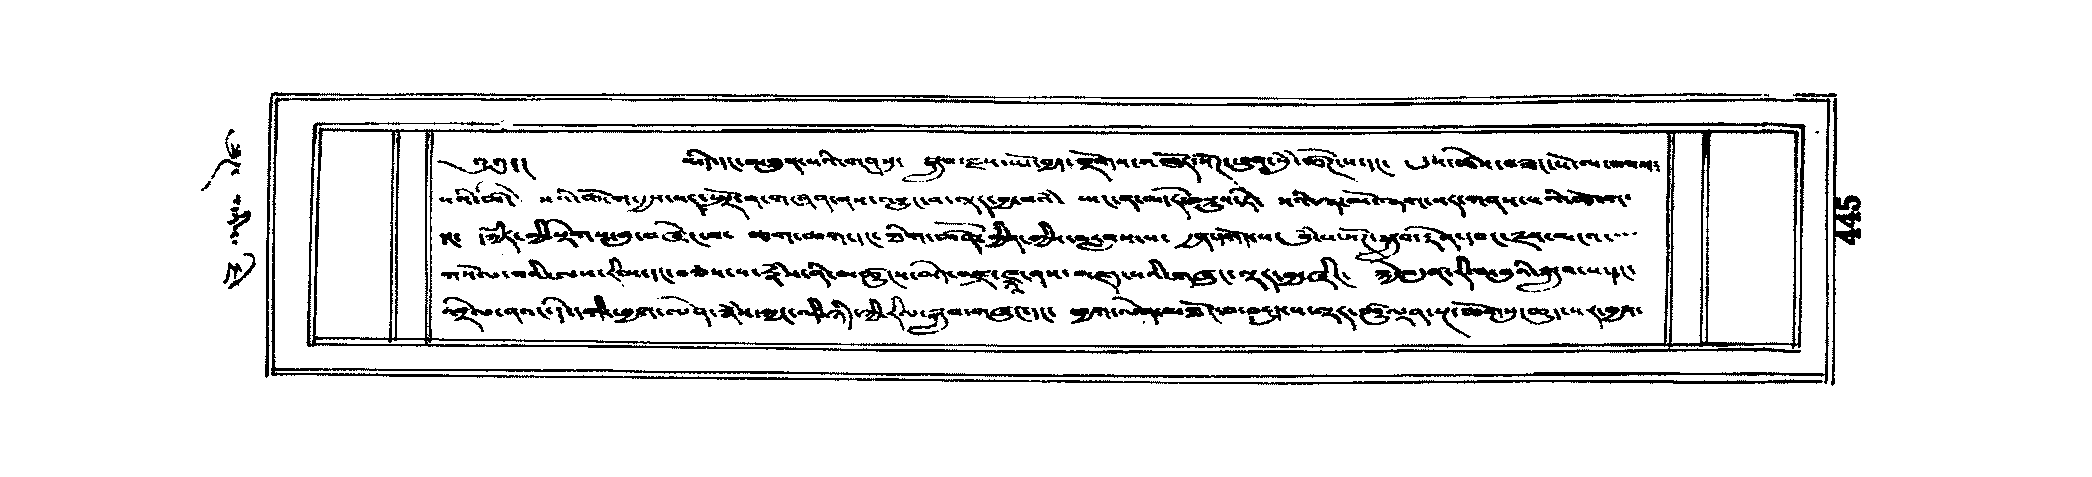ཡིད་དང་མཐུན་པའི་གནས་སུ། སྒྲུབ་རྫས་ཡོ་བྱད་གྲོགས་འཁོར་སོགས་ཕུན་སུམ་ཚོགས་པ་དང་། དེས་ཚེས་བཟང་པོ་ལ་བབས་
པའི་ཚེ།སའི་ཆོ་ག་རྒྱས་པར་སྤྲོས་ན་གཞན་ནས་འབྱུང་བ་ལྟར་བྱ་བའམ། ཡང་ན་མདོར་བསྡུས་ཏེ། སའི་ལྷ་མོ་ལྷག་པར་གནས་པའི་ཆོ་ག་
དང་། དཀྱིལ་འཁོར་གྱི་སྟེགས་བུ་བཞེངས་བ། ཆག་ཆག་དང་ཐིག་ཚོན་བྱིན་གྱིས་བརླབ་པ། རྒྱན་འགོད་པ། བུམ་པ་སོགས་སྒྲུབ་རྟེན་དབང་རྫས་མངའ་
གསོལ་བའི་ལས་རིམ་དང་བཅས་པ་རྣམས་ནི་མཚུངས་མེད་བཛྲ་ཛྙ་ནས་མཛད་པའི་གཞུང་ལྟར་བྱ་ཞིང་། སྐྱེ་བདུན་རིལ་བུའི་སྒྲུབ་པ་དང་
འབྲེལ་ནའང་དེ་དག་ཀྱི་ཕྱག་ལེན་རྣམས་ཀྱང་འདི་ཉིད་ཀྱི་རིལ་སྒྲུབ་གཞུང་དང་། ཕྱག་ལེན་མཐོང་བ་བརྒྱུད་པ་ལྟར་ཚུལ་ལྡན་སྔ་ཆོགས་སུ་ཆུད་པར་བྱས་